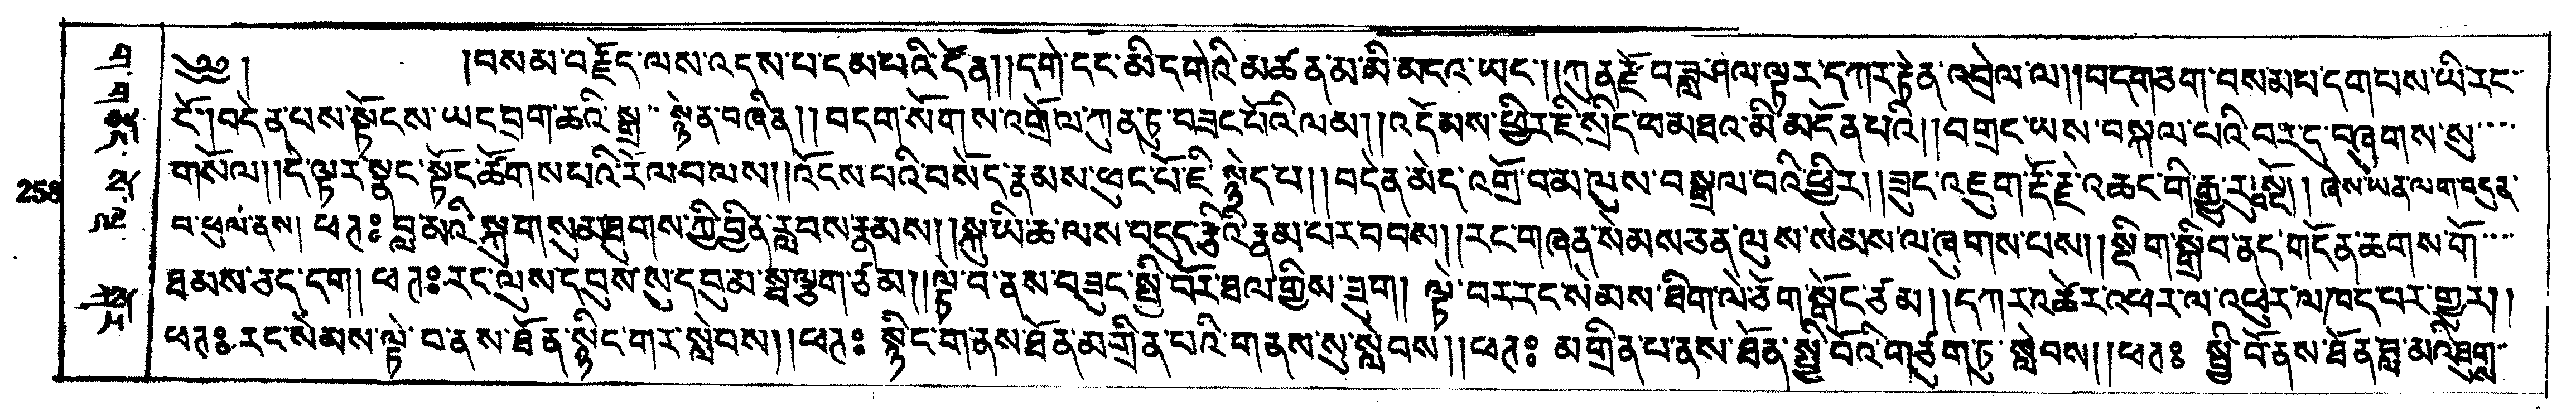༄༅། །བསམ་བརྗོད་ལས་འདས་པ་དམ་པའི་དོན། །དགེ་དང་མི་དགེའི་མཚན་མ་མི་མངའ་ཡང་། །ཀུན་རྫོབ་ཟླ་ཤལ་ལྟར་དཀར་རྟེན་འབྲེལ་ལ། །བདག་ཅག་བསམ་པ་དག་པས་ཡི་རང་
ངོ། བདེན་པས་སྟོངས་ཡང་བྲག་ཆའི་སྒྲ་སྙེན་བཞིན། །བདག་སོགས་འགྲོ་ལ་ཀུན་ཏུ་བཟང་པོའི་ལམ། །འདོམས་ཕྱིར་ཇི་སྲིད་ཕ་མཐའ་མི་མངོན་པའི། །བགྲང་ཡས་བསྐལ་པའི་བར་དུ་བཞུགས་སུ་
གསོལ། །དེ་ལྟར་སྣང་སྟོང་ཚོགས་པའི་རོལ་པ་ལས། །འོངས་པའི་བསོད་རྣམས་ཕུང་པོ་ཇི་སྙེད་པ། །བདེན་མེད་འགྲོ་བ་མ་ལུས་བསྒྲལ་བའི་ཕྱིར། །ཟུང་འཇུག་རྡོ་རྗེ་འཆང་གི་རྒྱུ་རུ་བསྔོ། །ཞེས་ཡན་ལག་བདུན་
པ་ཕུལ་ནས། ཕཊཿ བླ་མའི་སྐུ་གསུམ་ཐུགས་ཀྱི་བྱིན་རླབས་རྣམས། །སྐུ་ཡི་ཆ་ལས་བདུད་རྩིའི་རྣམ་པར་བབས། །རང་གཞན་སེམས་ཅན་ལུས་སེམས་ལ་ཞུགས་པས། །སྡིག་སྒྲིབ་ནང་གདོན་ཆགས་གོ་
ཐམས་ཅད་དག །ཕཊཿ རང་ལུས་དབུས་སུ་དབུ་མ་སྦ་ལྕག་ཙམ། །ལྟེ་བ་ནས་བཟུང་སྤྱི་བོར་ཐལ་གྱིས་ཟུག །ལྟེ་བར་རང་སེམས་ཐིག་ལེ་ཅོག་སྒོང་ཙམ། །དཀར་འཚེར་འཕར་ལ་འཕུར་ལ་ཁད་པར་གྱུར། །
ཕཊཿ རང་སེམས་ལྟེ་བ་ནས་ཐོན་སྙིང་གར་སླེབས། །ཕཊཿ སྙིང་ག་ནས་ཐོན་མགྲིན་པའི་གནས་སུ་སླེབས། །ཕཊཿ མགྲིན་པ་ནས་ཐོན་སྤྱི་བོའི་གཙུག་ཏུ་སླེབས། །ཕཊཿ སྤྱི་བོ་ནས་ཐོན་བླ་མའི་ཐུགས་